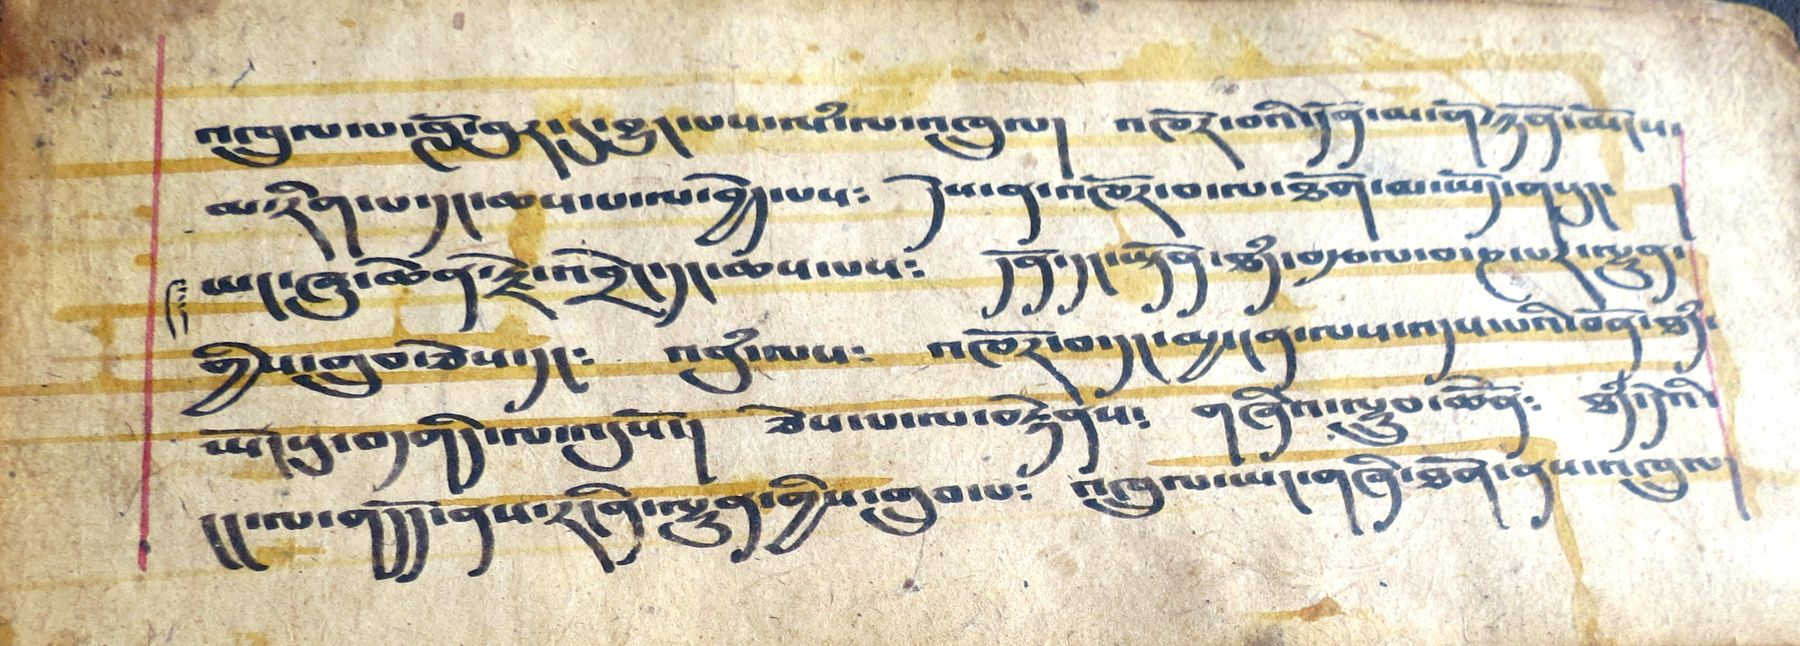འཁྲུལ་པ་བློ་བུར་དུ་བྱུང་བས་ལམ་ལ་འཁྲུལ། འཁོར་བའི་དོན་གོ་ཉོན་མོངས་
མ་རིག་པ་དང་བཅས་པ་ལ་བྱེད་པས། དེས་ན་འཁོར་བ་ལ་ཐོག་མ་ཡོད་གསུངས། 
ཡང་ཞུ་ཆེན་པོའི་རྗེས་འབྲེང་དང་བཅས་པས་དོན་དང་ཡོན་ཏན་ཐམས་ཅད་བརྩལ་བ་མེད་པར་ལྷུན་
གྱིས་གྲུབ། ཅེས་དང་། འབུམ་ལས། འཁོར་བ་དང་མྱ་ངན་ལས་འདས་པའི་བོན་ཐམས་ཅད་
ཡོངས་སུ་བདག་ཉིད་ལ་འདུས་སོ། ཞེས་པ་ལ་བརྟེན་ནས་གཞི་ལྷུན་གྲུབ་ཆེན་པོ། ཐམས་ཅད་དེའི་
ངང་ལས་གདོད་ནས་རང་བཞིན་ལྷུན་གྱི་གྲུབ་པས། འཁྲུལ་ཀྱང་གཞི་ཐོག་ནས་འཁྲུལ།